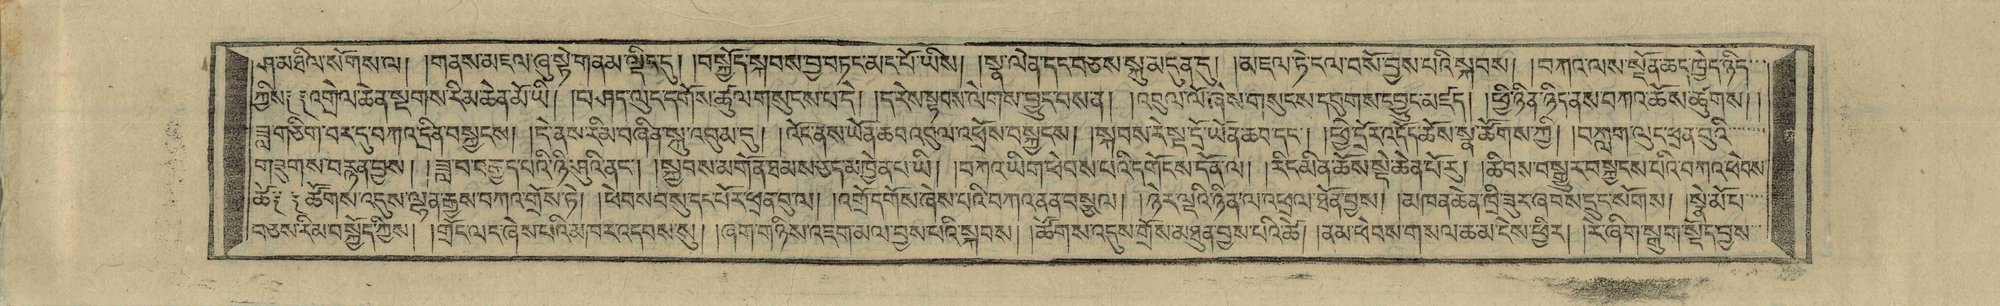ཤ་མཐིལ་སོགས་ལ། །གནས་མཇལ་ཞུ་སྟེ་གནམ་ལྡིང་དུ། །བསྐྱོད་སྐབས་བྱ་བཏང་མང་པོ་ཡིས། །སྣ་ལེན་དང་བཅས་སྐུ་མདུན་དུ། །མཇལ་ཏེ་ངལ་བསོ་བྱས་པའི་སྐབས། །བཀའ་ལས་སྔོན་ཆད་ཁྱེད་ཉིད་
ཀྱིས༑ ༑འགྲེལ་ཆེན་སྔགས་རིམ་ཆེན་མོ་ཡི། །བཤད་ལུང་དགོས་ཚུལ་གསུངས་པ་དེ། །ད་རེས་སྟབས་ལེགས་བྱུང་བས་ན། །འབུལ་ལོ་ཞེས་གསུངས་དབུགས་དབྱུང་མཛད། །ཕྱི་ཉིན་ཉིད་ནས་བཀའ་ཆོས་ཚུགས།།
ཟླ་གཅིག་བར་དུ་བཀའ་དྲིན་བསྐྱངས། །དེ་ནས་རིམ་བཞིན་སྐུ་འབུམ་དུ། །འོང་ནས་ཡོན་ཆབ་འབུལ་འཕྲོས་བསྐྱངས། །སྐབས་རེ་སྔ་དྲོ་ཡོན་ཆབ་དང་། །ཕྱི་དྲོར་འདོད་ཆོས་སྣ་ཚོགས་ཀྱི། །བཀླག་ལུང་ཕྲན་བུའི་
གཟུགས་བརྙན་བྱས། །ཟླ་བ་བརྒྱད་པའི་ཉི་ཤུའི་ནང་། །སྐྱབས་མགོན་ཐམས་ཅད་མཁྱེན་པ་ཡི། །བཀའ་ཡིག་ཕེབས་པའི་དགོངས་དོན་ལ། །རིང་མིན་ཆོས་སྡེ་ཆེན་པོ་རུ། །ཆིབས་བསྒྱུར་བསྐྱངས་པའི་བཀའ་ཕེབས་
ཚེ༑ ༑ཚོགས་འདུས་ལྷན་རྒྱས་བཀའ་གྲོས་ཏེ། །ཕེབས་བསུ་དང་པོར་ཕྲན་བུ་ལ། །འགྲོ་དགོས་ཞེས་པའི་བཀའ་ནན་བསྩལ། །ཉེར་ལྔའི་ཉིན་ལ་འཕྲལ་ཐོན་བྱས། །མཁན་ཆེན་ཁྲི་ཟུར་ཞབས་དྲུང་སོགས། །སྣེ་མོ་པ་
བཅས་རིམ་བསྐྱོད་ཀྱིས། །གྲོང་ལང་ཞེས་པའི་མཁར་འདབས་སུ། །ཞག་གཉིས་འཇག་མལ་བྱས་པའི་སྐབས། །ཚོགས་འདུས་གྲོས་མཐུན་བྱས་པའི་ཚེ། །ནམ་ཕེབས་གསལ་ཆ་མ་ངེས་ཕྱིར། །རེ་ཞིག་སྒུག་སྡོད་བྱས་